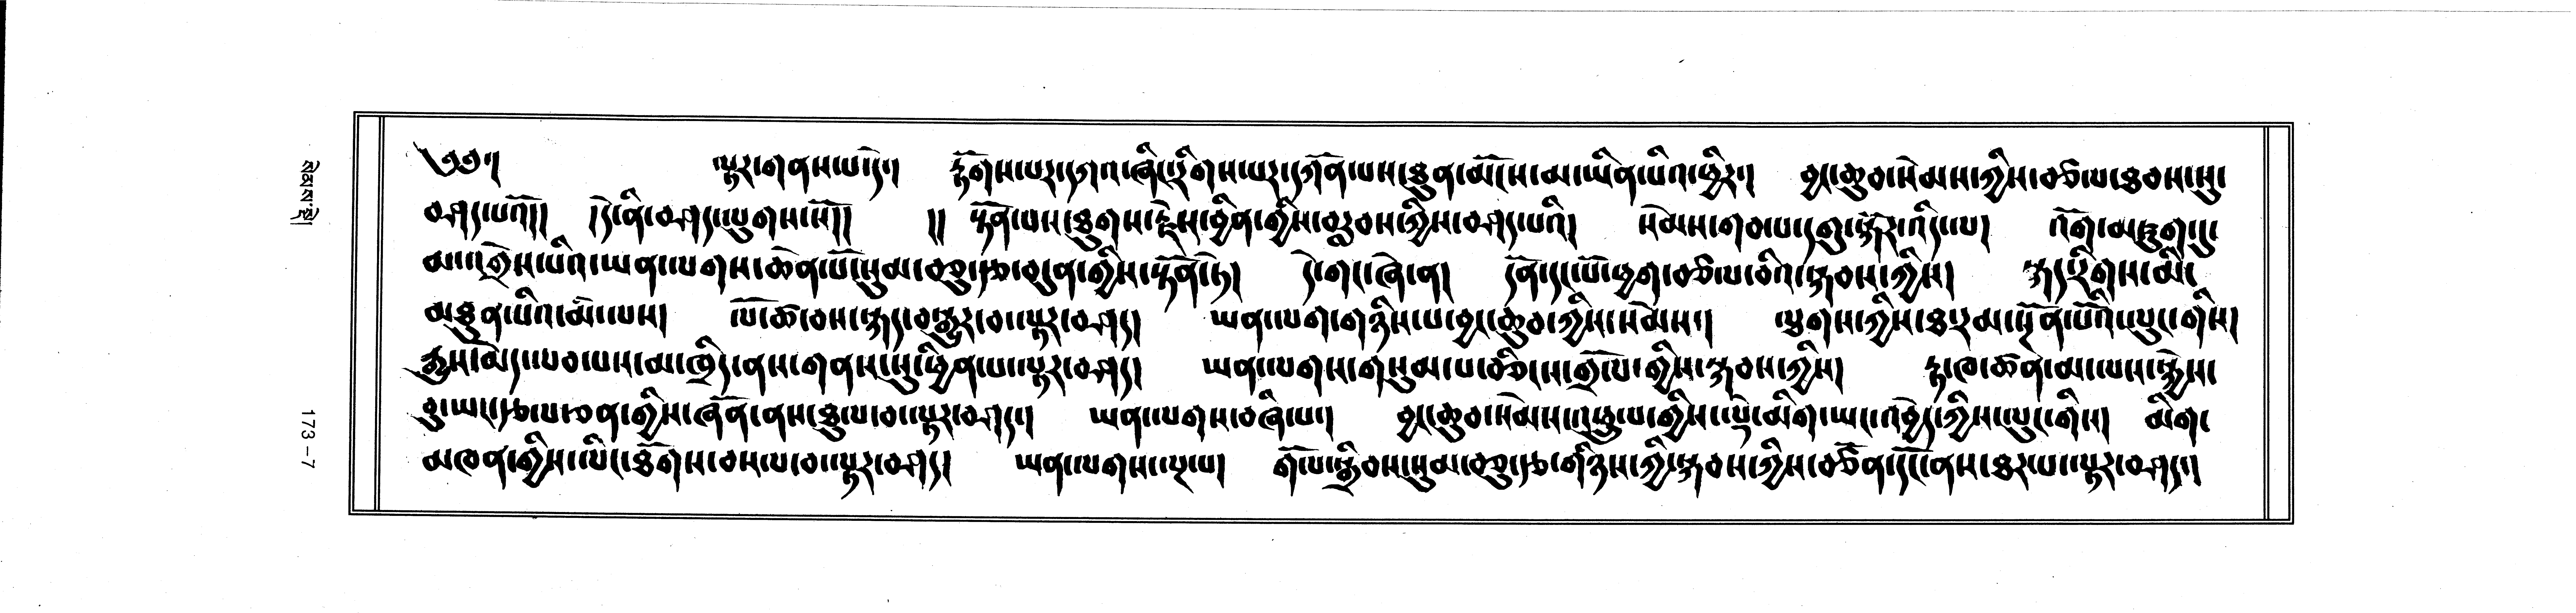ལྟར་གནས་པ་དེ། རྟོགས་པར་དཀའ་ཞིང་རིག་པར་དཀོན་པས་ཐུན་མོངས་མ་ཡིན་པའི་ཕྱིར། བྱང་ཆུབ་སེམས་ཀྱིས་བཙལ་ཐབས་སུ་
བཤད་པའོ། དེ་ནི་བཤད་ལུགས་སོ། །སྟོན་པས་ཐུགས་རྗེ་བྱིན་གྱིས་བརླབས་ཀྱིས་བཤད་པའི། སེམས་གབ་པ་དགུ་སྐོར་འདི་ལ། འགོ་མཇུག་དུ་
མ་འདྲེས་པའི་ཡན་ལག་ཆེན་པོ་སུམ་ཅུ་རྩ་བདུན་གྱིས་སྟོན་ཏེ། དེ་གང་ཞེ་ན། དོན་དང་པོ་ཕྱག་བཙལ་བའི་སྐབས་ཀྱིས། སྐད་རིགས་མི་
མཐུན་པའི་མི་ལས། ལོ་ཙཱ་བས་སྐད་བསྒྱུར་བ་ལྟར་བཤད། ཡན་ལག་གཉིས་པ་བྱང་ཆུབ་ཀྱི་སེམས། ལྕགས་ཀྱི་ཐ་རམ་སྔོན་པོའི་ལུང་གིས་
ལུང་གིས། རྒྱུས་མེད་ལབ་པས་མ་ཁྲིད་ནས་གནས་སུ་ཕྱིན་པ་ལྟར་བཤད། ཡན་ལག་གསུམ་པ་བཅིངས་གྲོལ་གྱི་སྐབས་ཀྱིས། རྟ་ཁ་ཚན་མ་ལས་སྐྱེས་
བུ་ཡང་རྩལ་ཅན་གྱིས་ཞོན་ནས་ཐུལ་བ་ལྟར་བཤད། ཡན་ལག་བཞི་པ། བྱང་ཆུབ་སེམས་འཕྲུལ་གྱི་ལྡེ་མིག་ཡང་འབྱེད་ཀྱི་ལུང་གིས། མིག་
མཁན་གྱི་ལིང་ཐོག་བསལ་བ་ལྟར་བཤད། ཡན་ལག་ལྔ་པ། གོལ་སྒྲིབ་སུམ་ཅུ་རྩ་གཉིས་ཀྱི་སྐབས་ཀྱིས་བཙོན་དོང་ནས་ཐར་བ་ལྟར་བཤད།